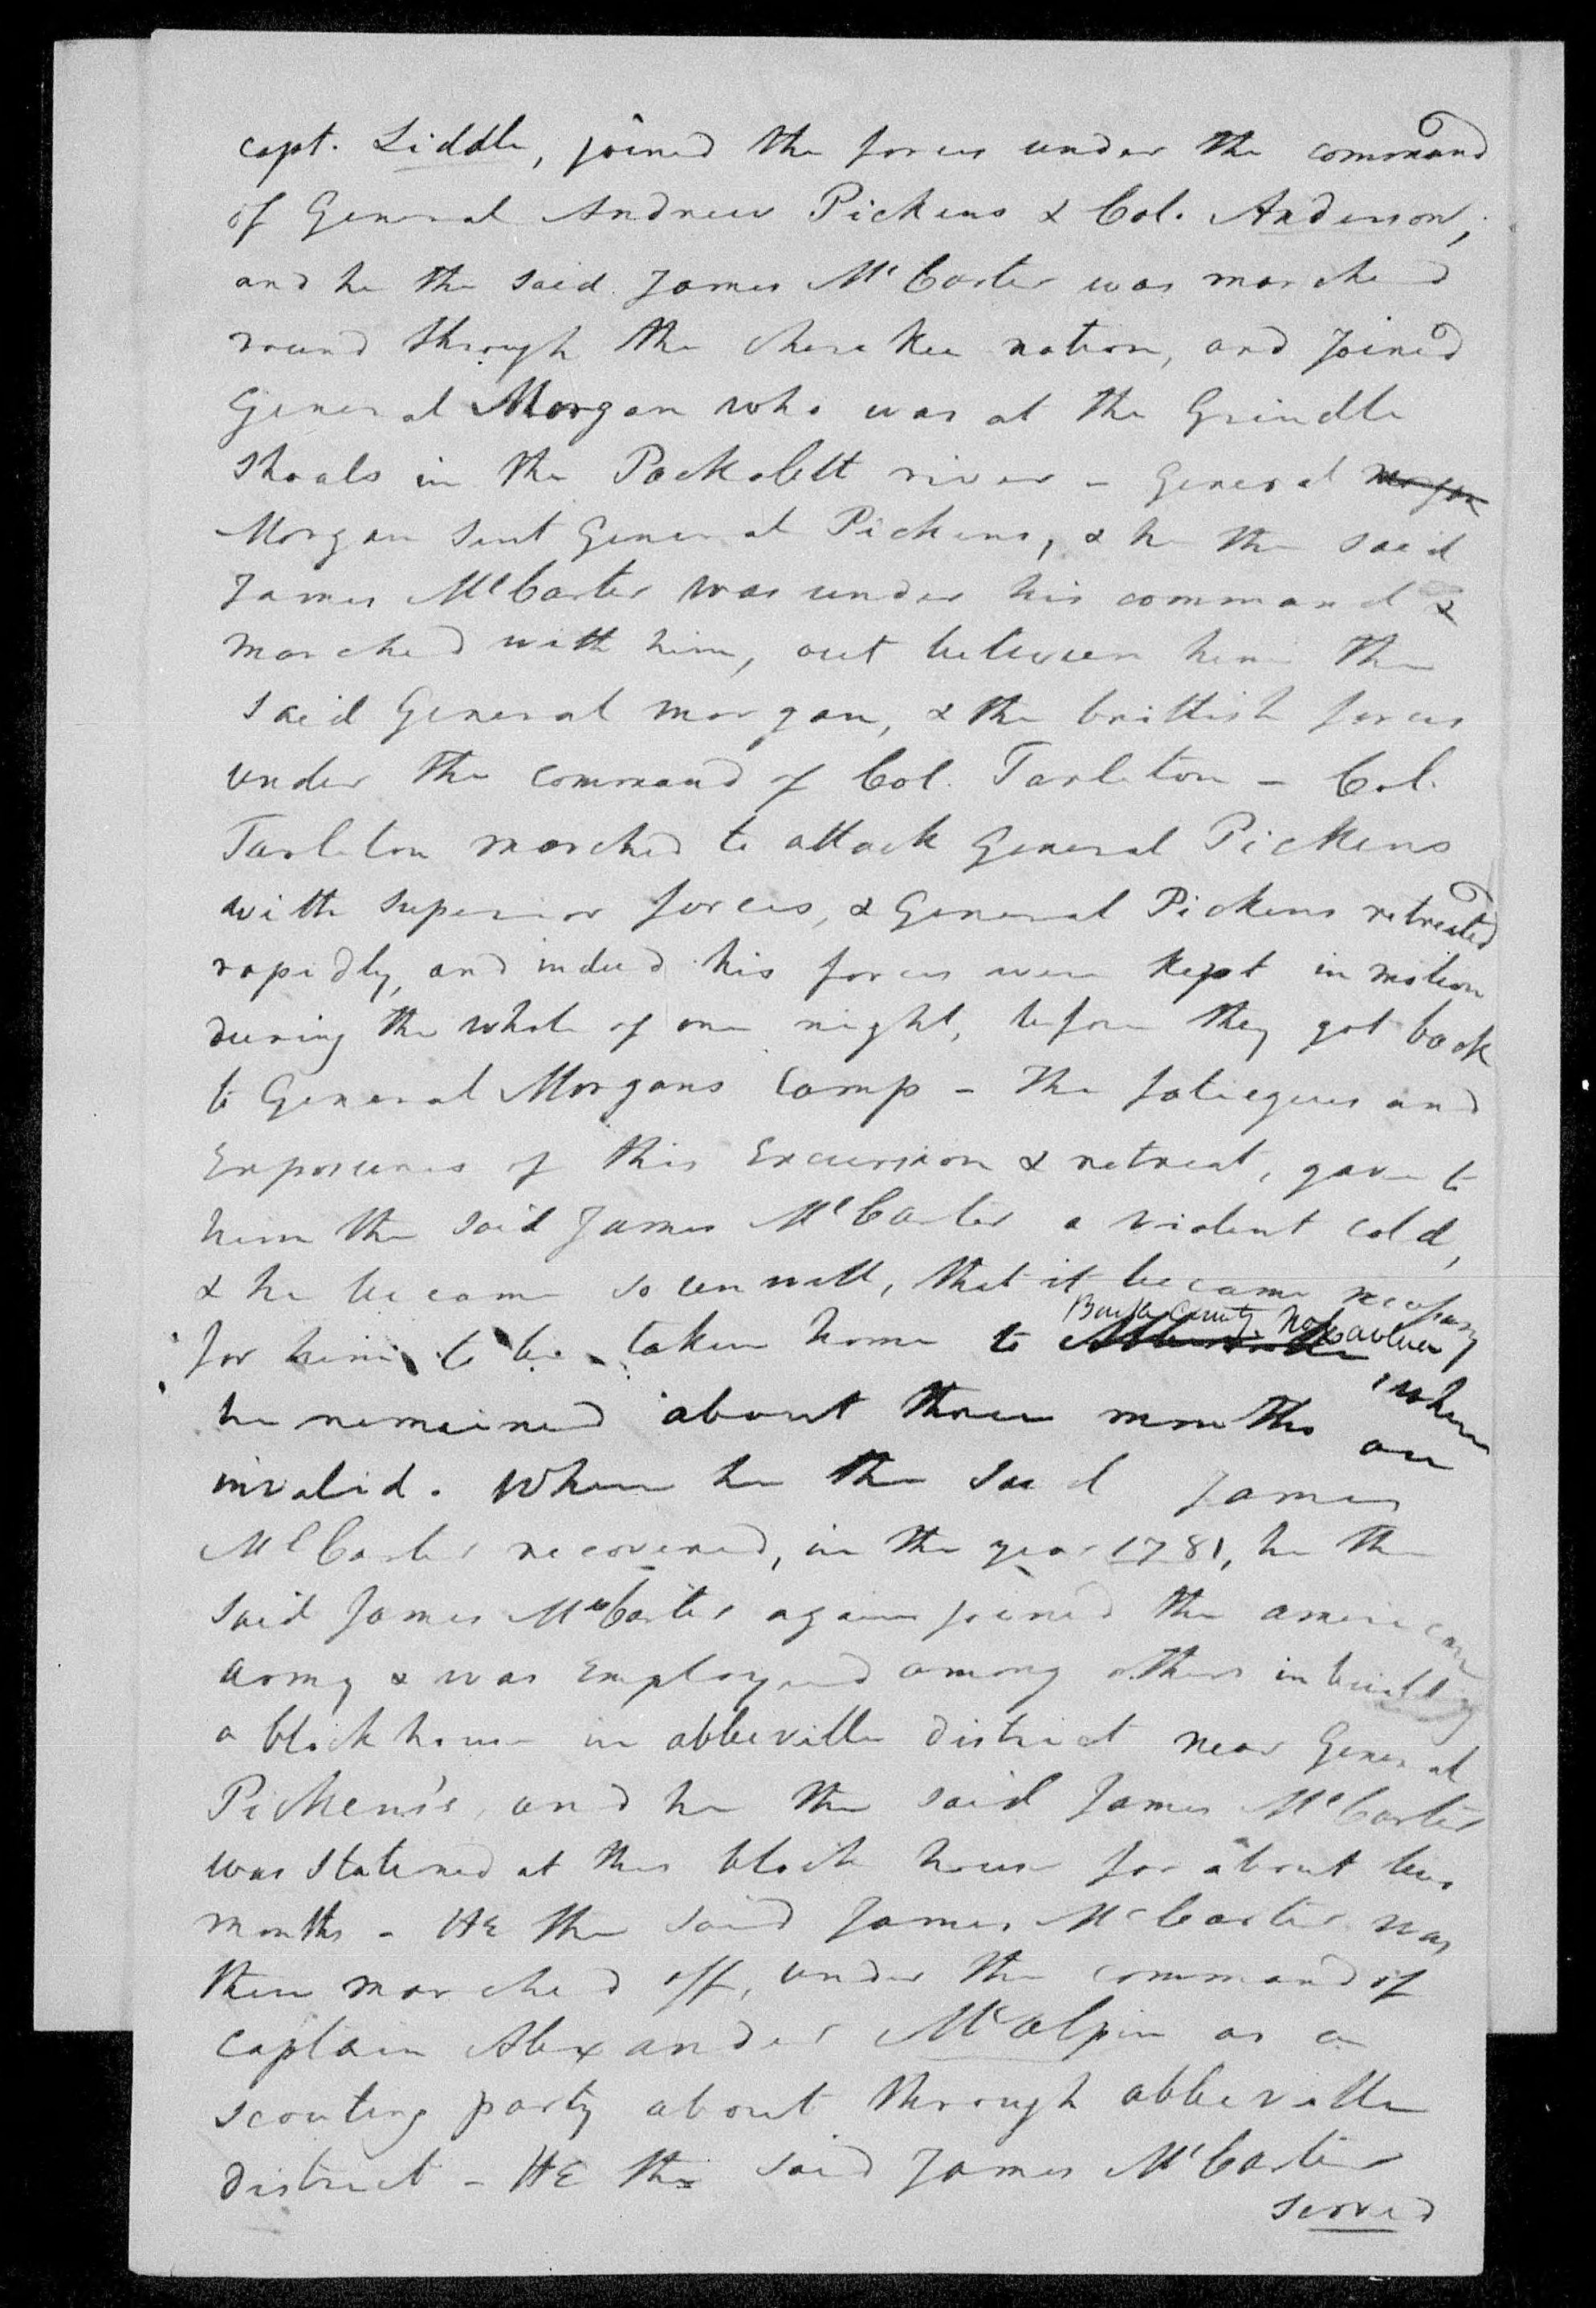Capt. Liddle, joined the forces under the command of General Andrew Pickens & Col. Anderson and he the said James McCarter was marched and through the Cherokee nation, and joined General Morgan who was at the Grindle Shoals in the Pacolet river - General
Morgan Sent General Pickens, & he the said
James McCarter was under his command &
marched with him, out between him the
said General Morgan, & the brittish hereunder the command of Col. Tarlton - Col.
Tarlton marched to attack General Pickens
with superior forces, & General Pickens reteated rapidly, and indeed his forces were kept in motion during the whole of one night, before they got back to General Morgans Camp. The fatigues and Exposures of this excursion & retreat, gave to him the said James McCale a violent cold & he became so unwell, that it became necessary for him to be taken home to Bucks County he remained about three months as invalid. When he the said James McCarter recovered, in the year 1781, he the said James McCarter again joined the american army & was employed among others in building a block house in Abbeville District near General Pickens, and he the said James McCarter was stationed at this block house for about two months - He the said James McCarter was then marched off, under the command of Captain Alexander McAlpin as a scouting party about through Abbeville
district. He the said James McCarter [illegible]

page: 6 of 45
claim: survivor's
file: S. 13,890, for James Mc Carter, South Carolina